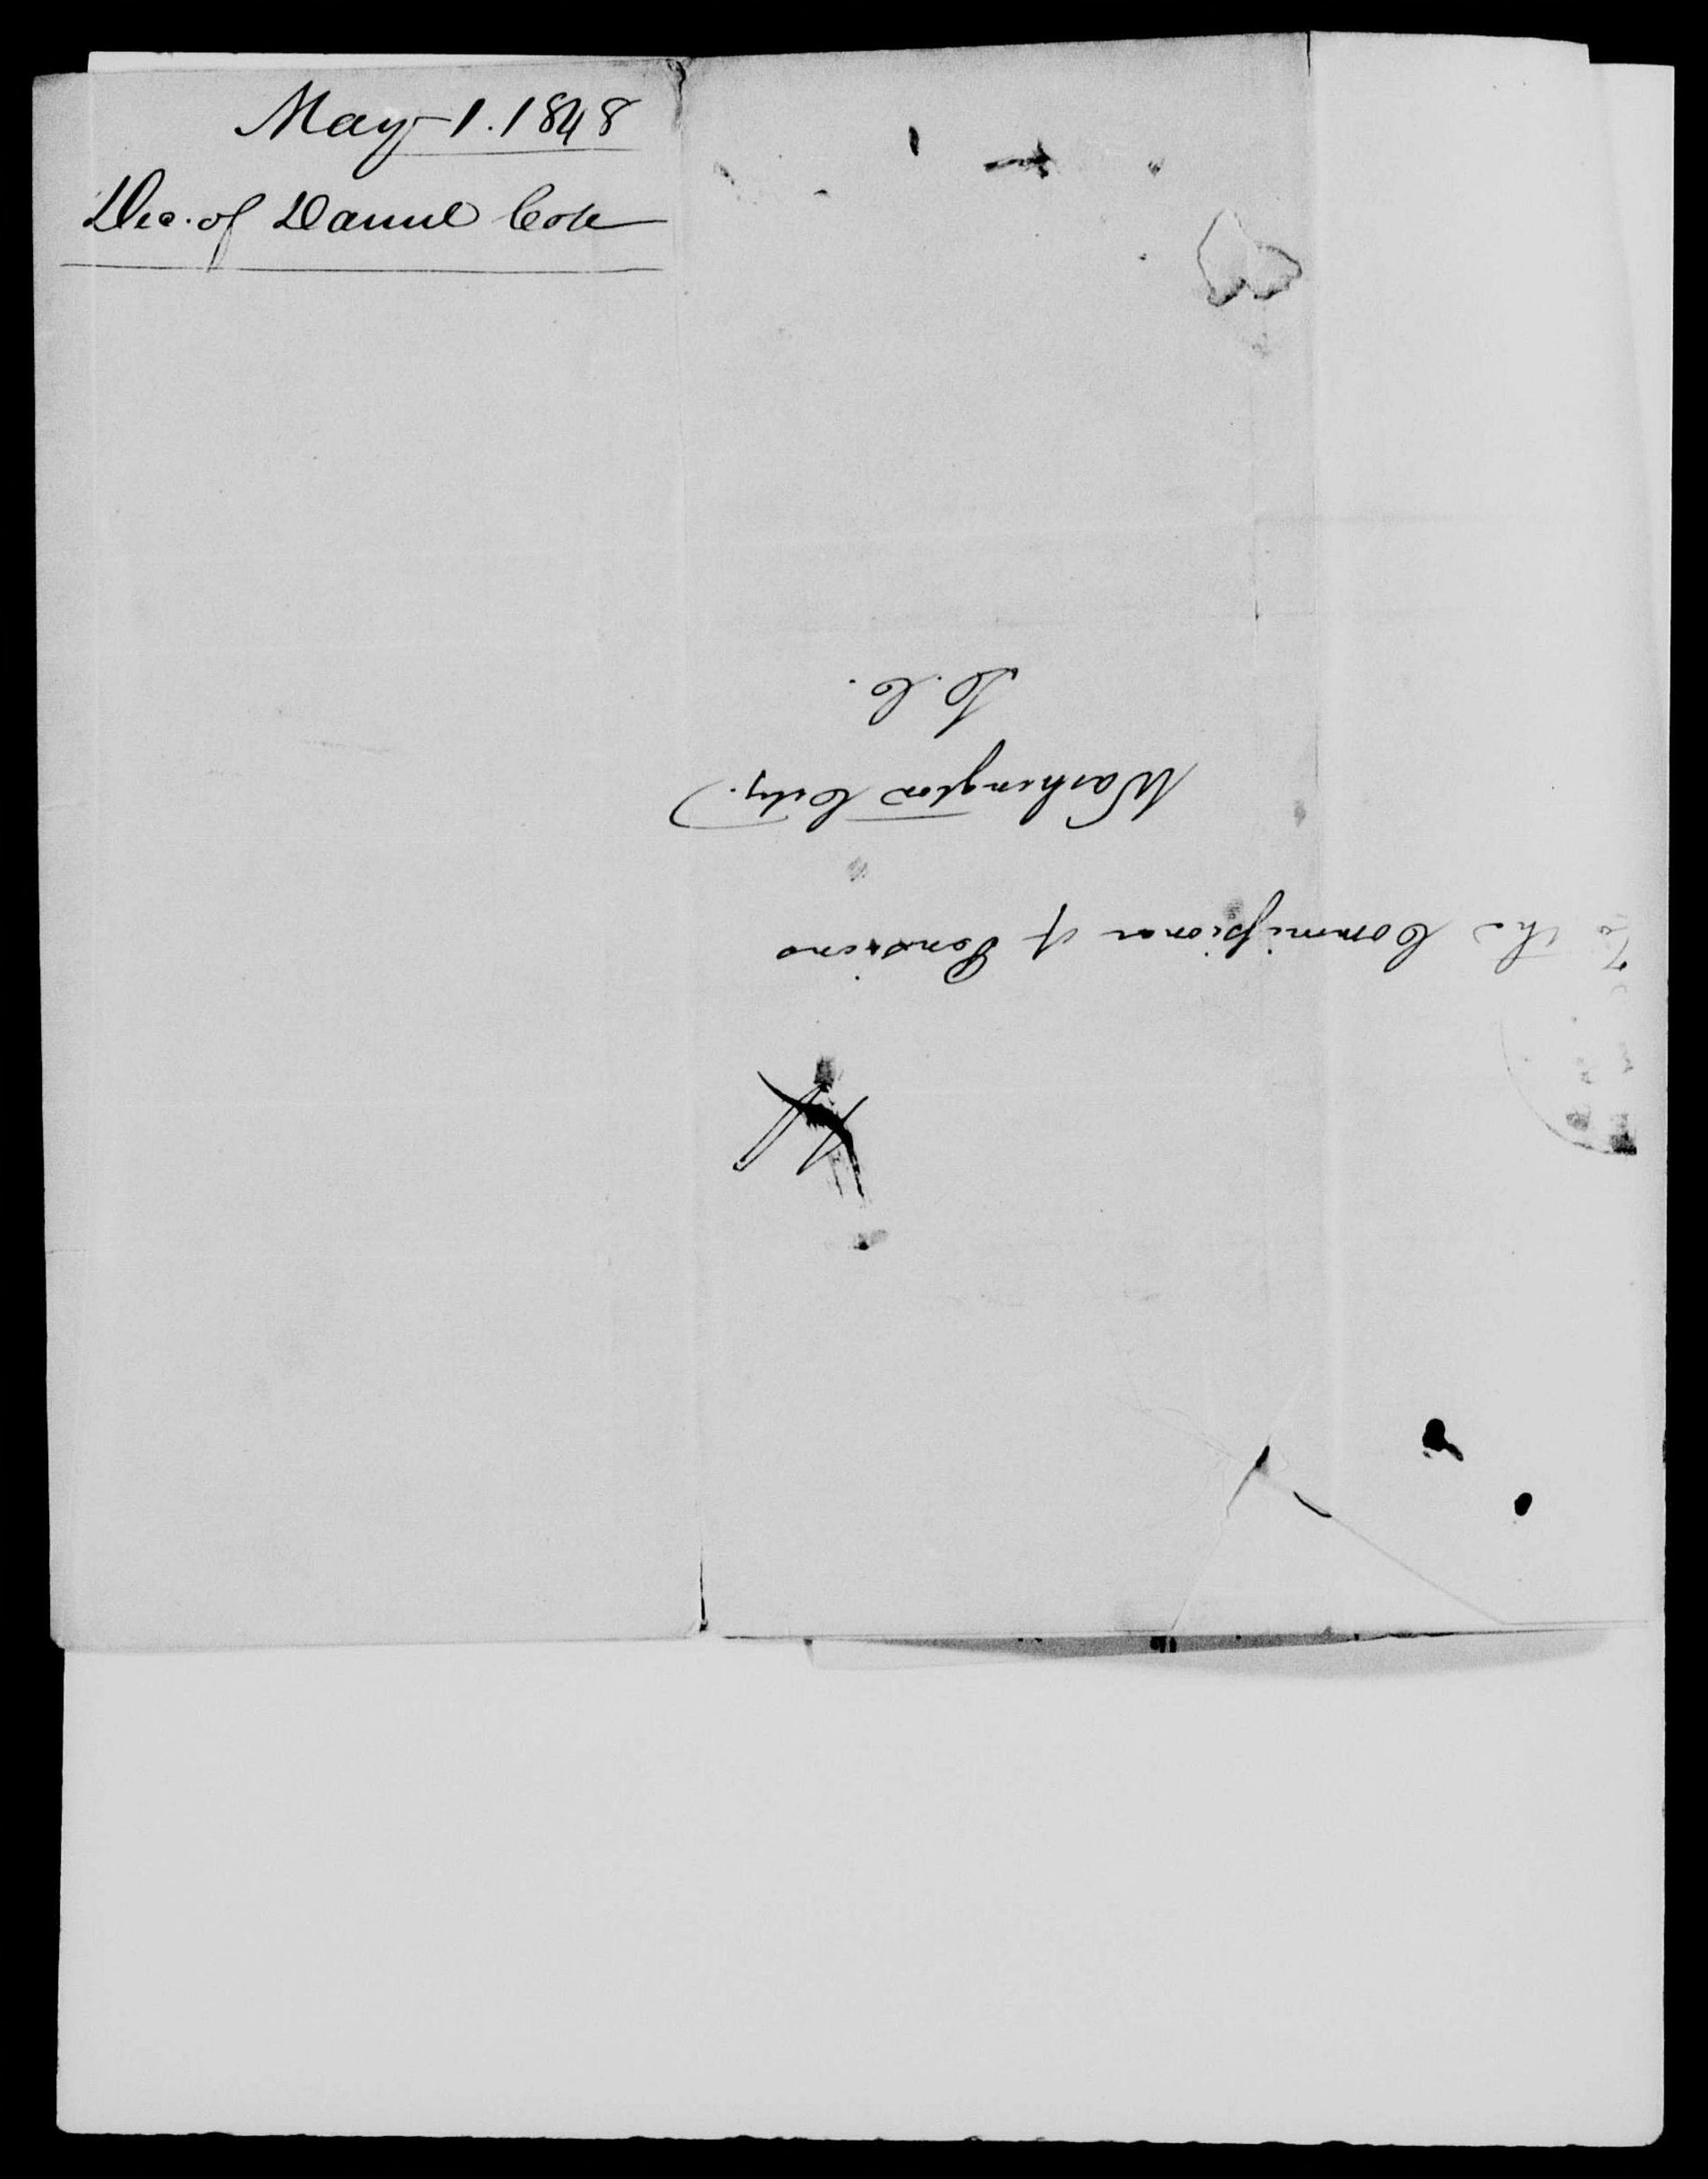To the Commissioner of Pensions
Washington City D. C.

May 1. 1848
Dec. of Daniel Cole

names: Daniel Cole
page: 23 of 61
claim: survivor's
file: S. 8236, Daniel Cole, Va.